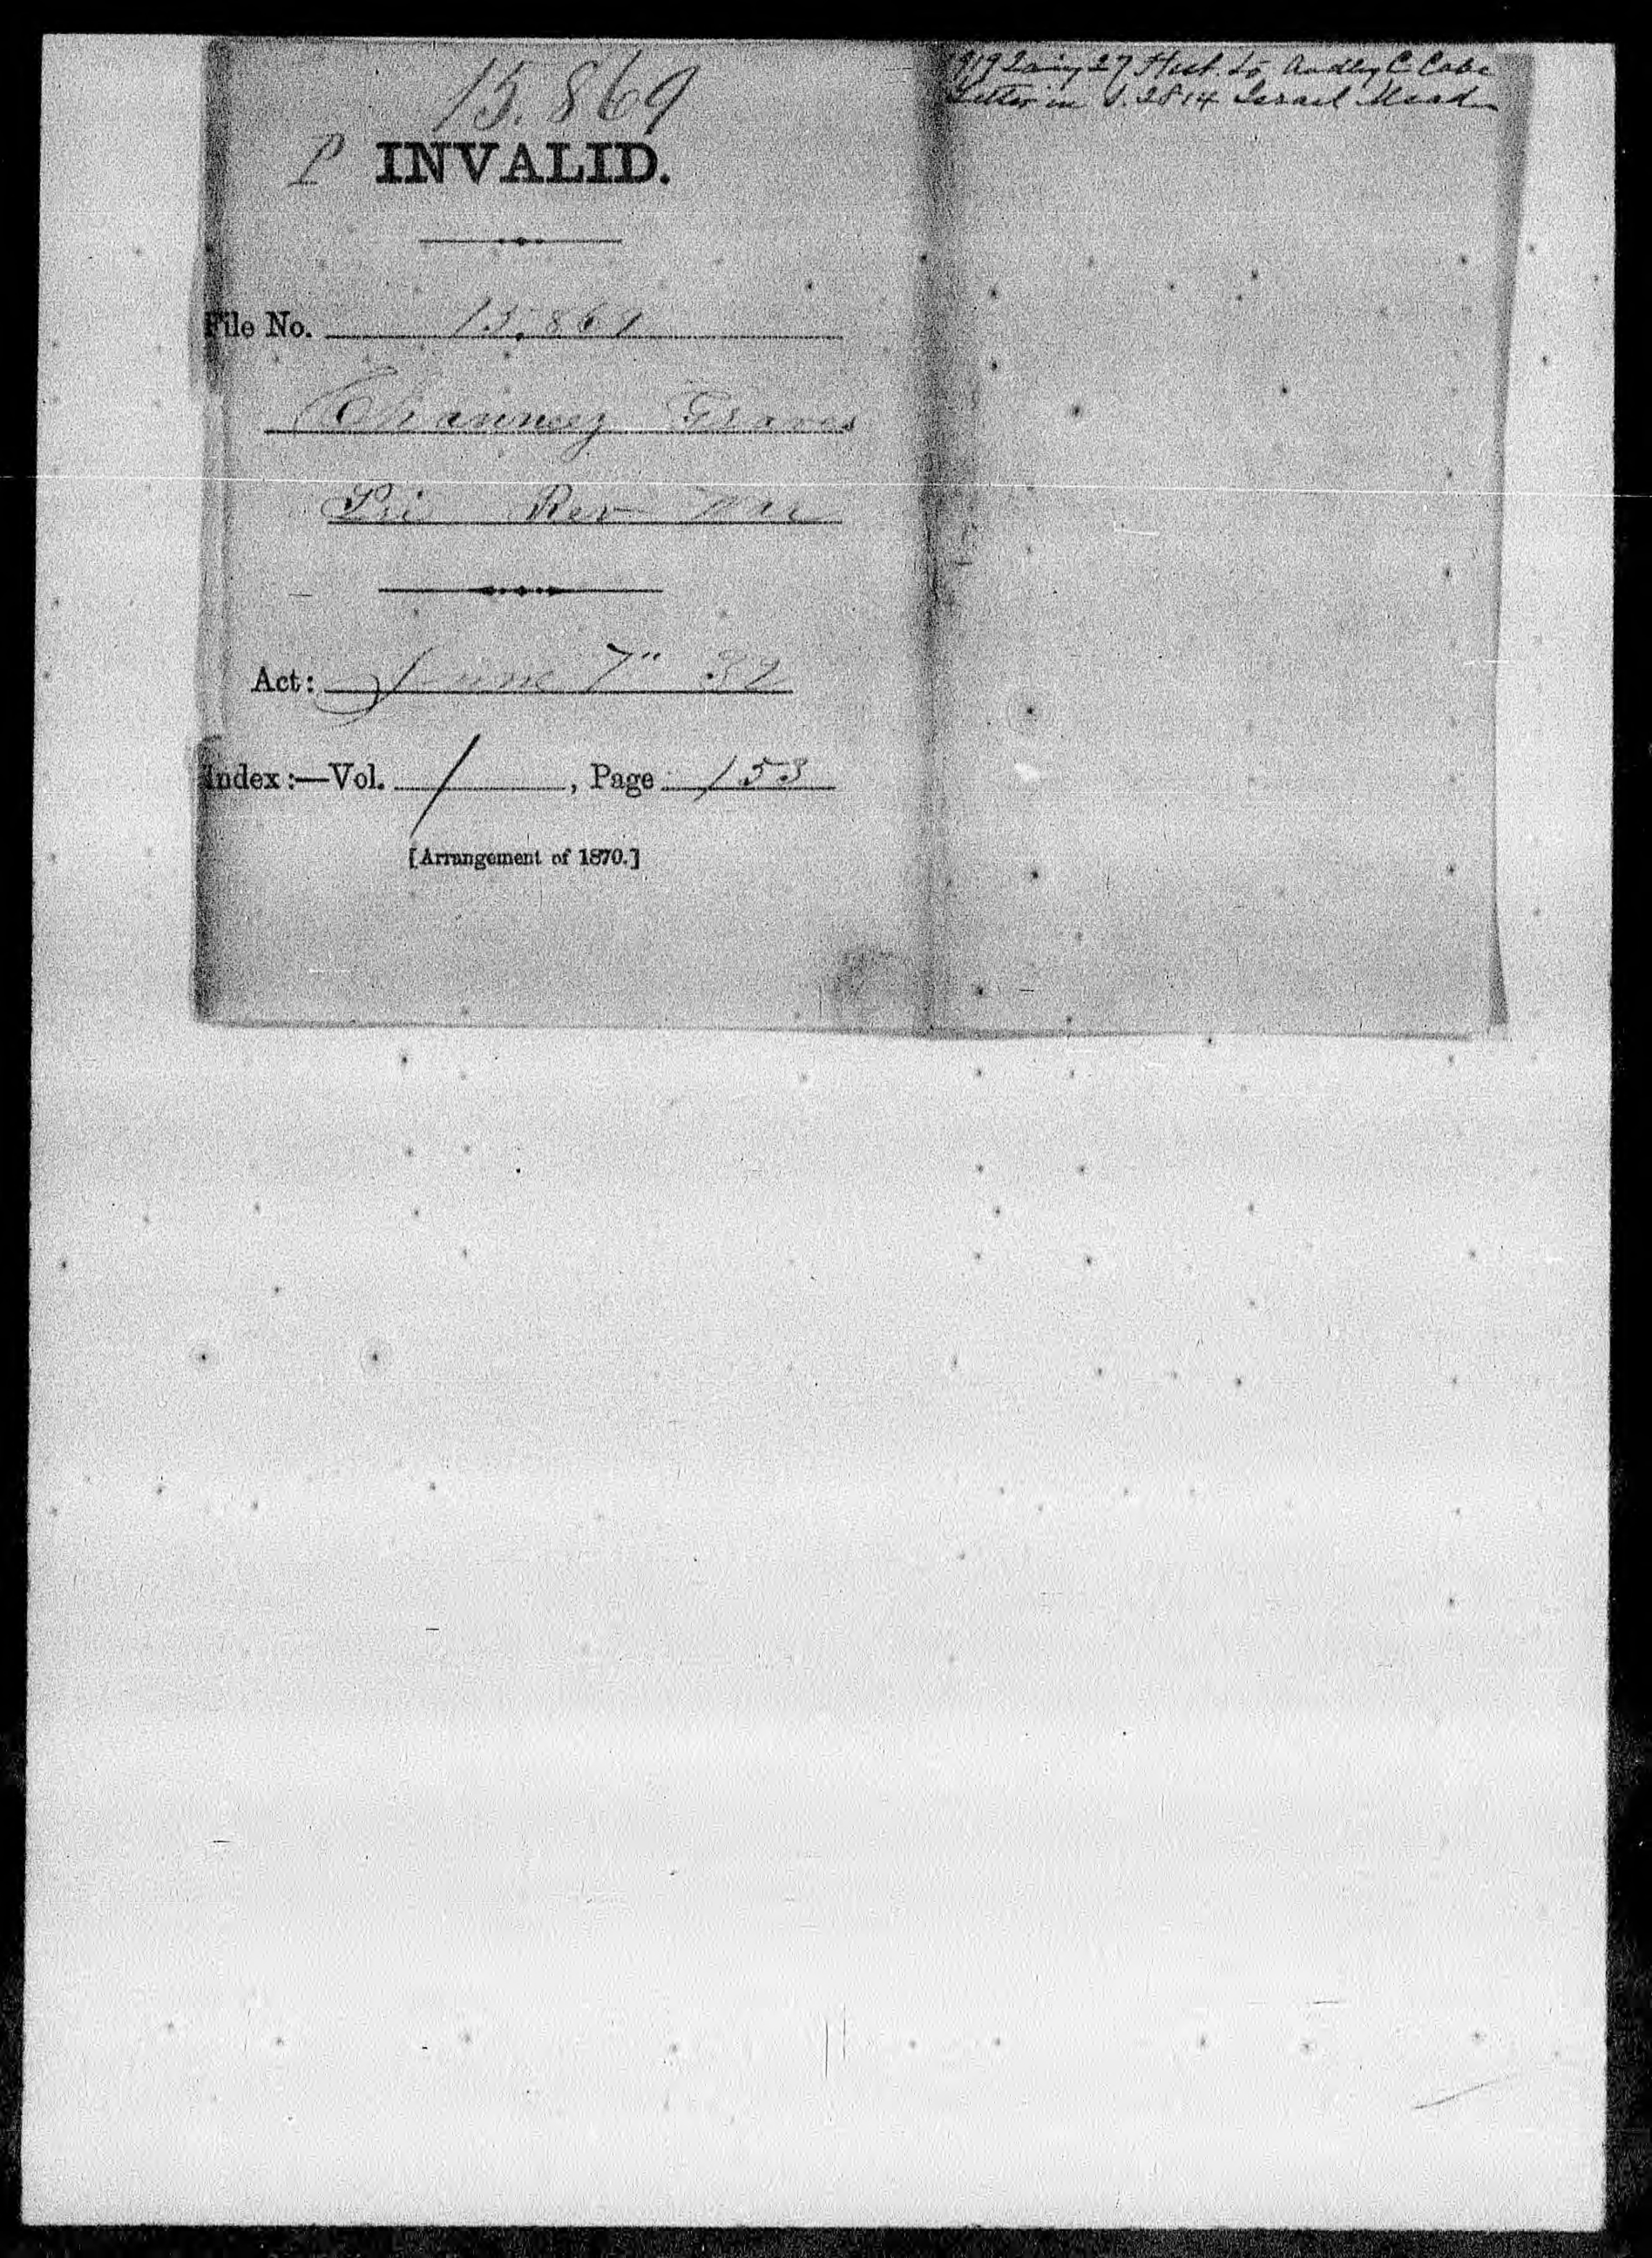[left side of page] 
15. 869
INVALID.
No. 15869
Chauncey Graves
Pri  Rev  War
---
Act: June 7, 1832
Index:--Vol. 1 Page 153
[Arrangement of 1870.]

[right side of page]
1919 Jany 27 Hist. to Audley C. Cobe
Letter in S.2814 Israel Mead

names: Israel Mead, Chauncey Graves, Audley C Cobe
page: 12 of 24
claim: survivor's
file: S. 15869, Chauncey Graves, Vt.